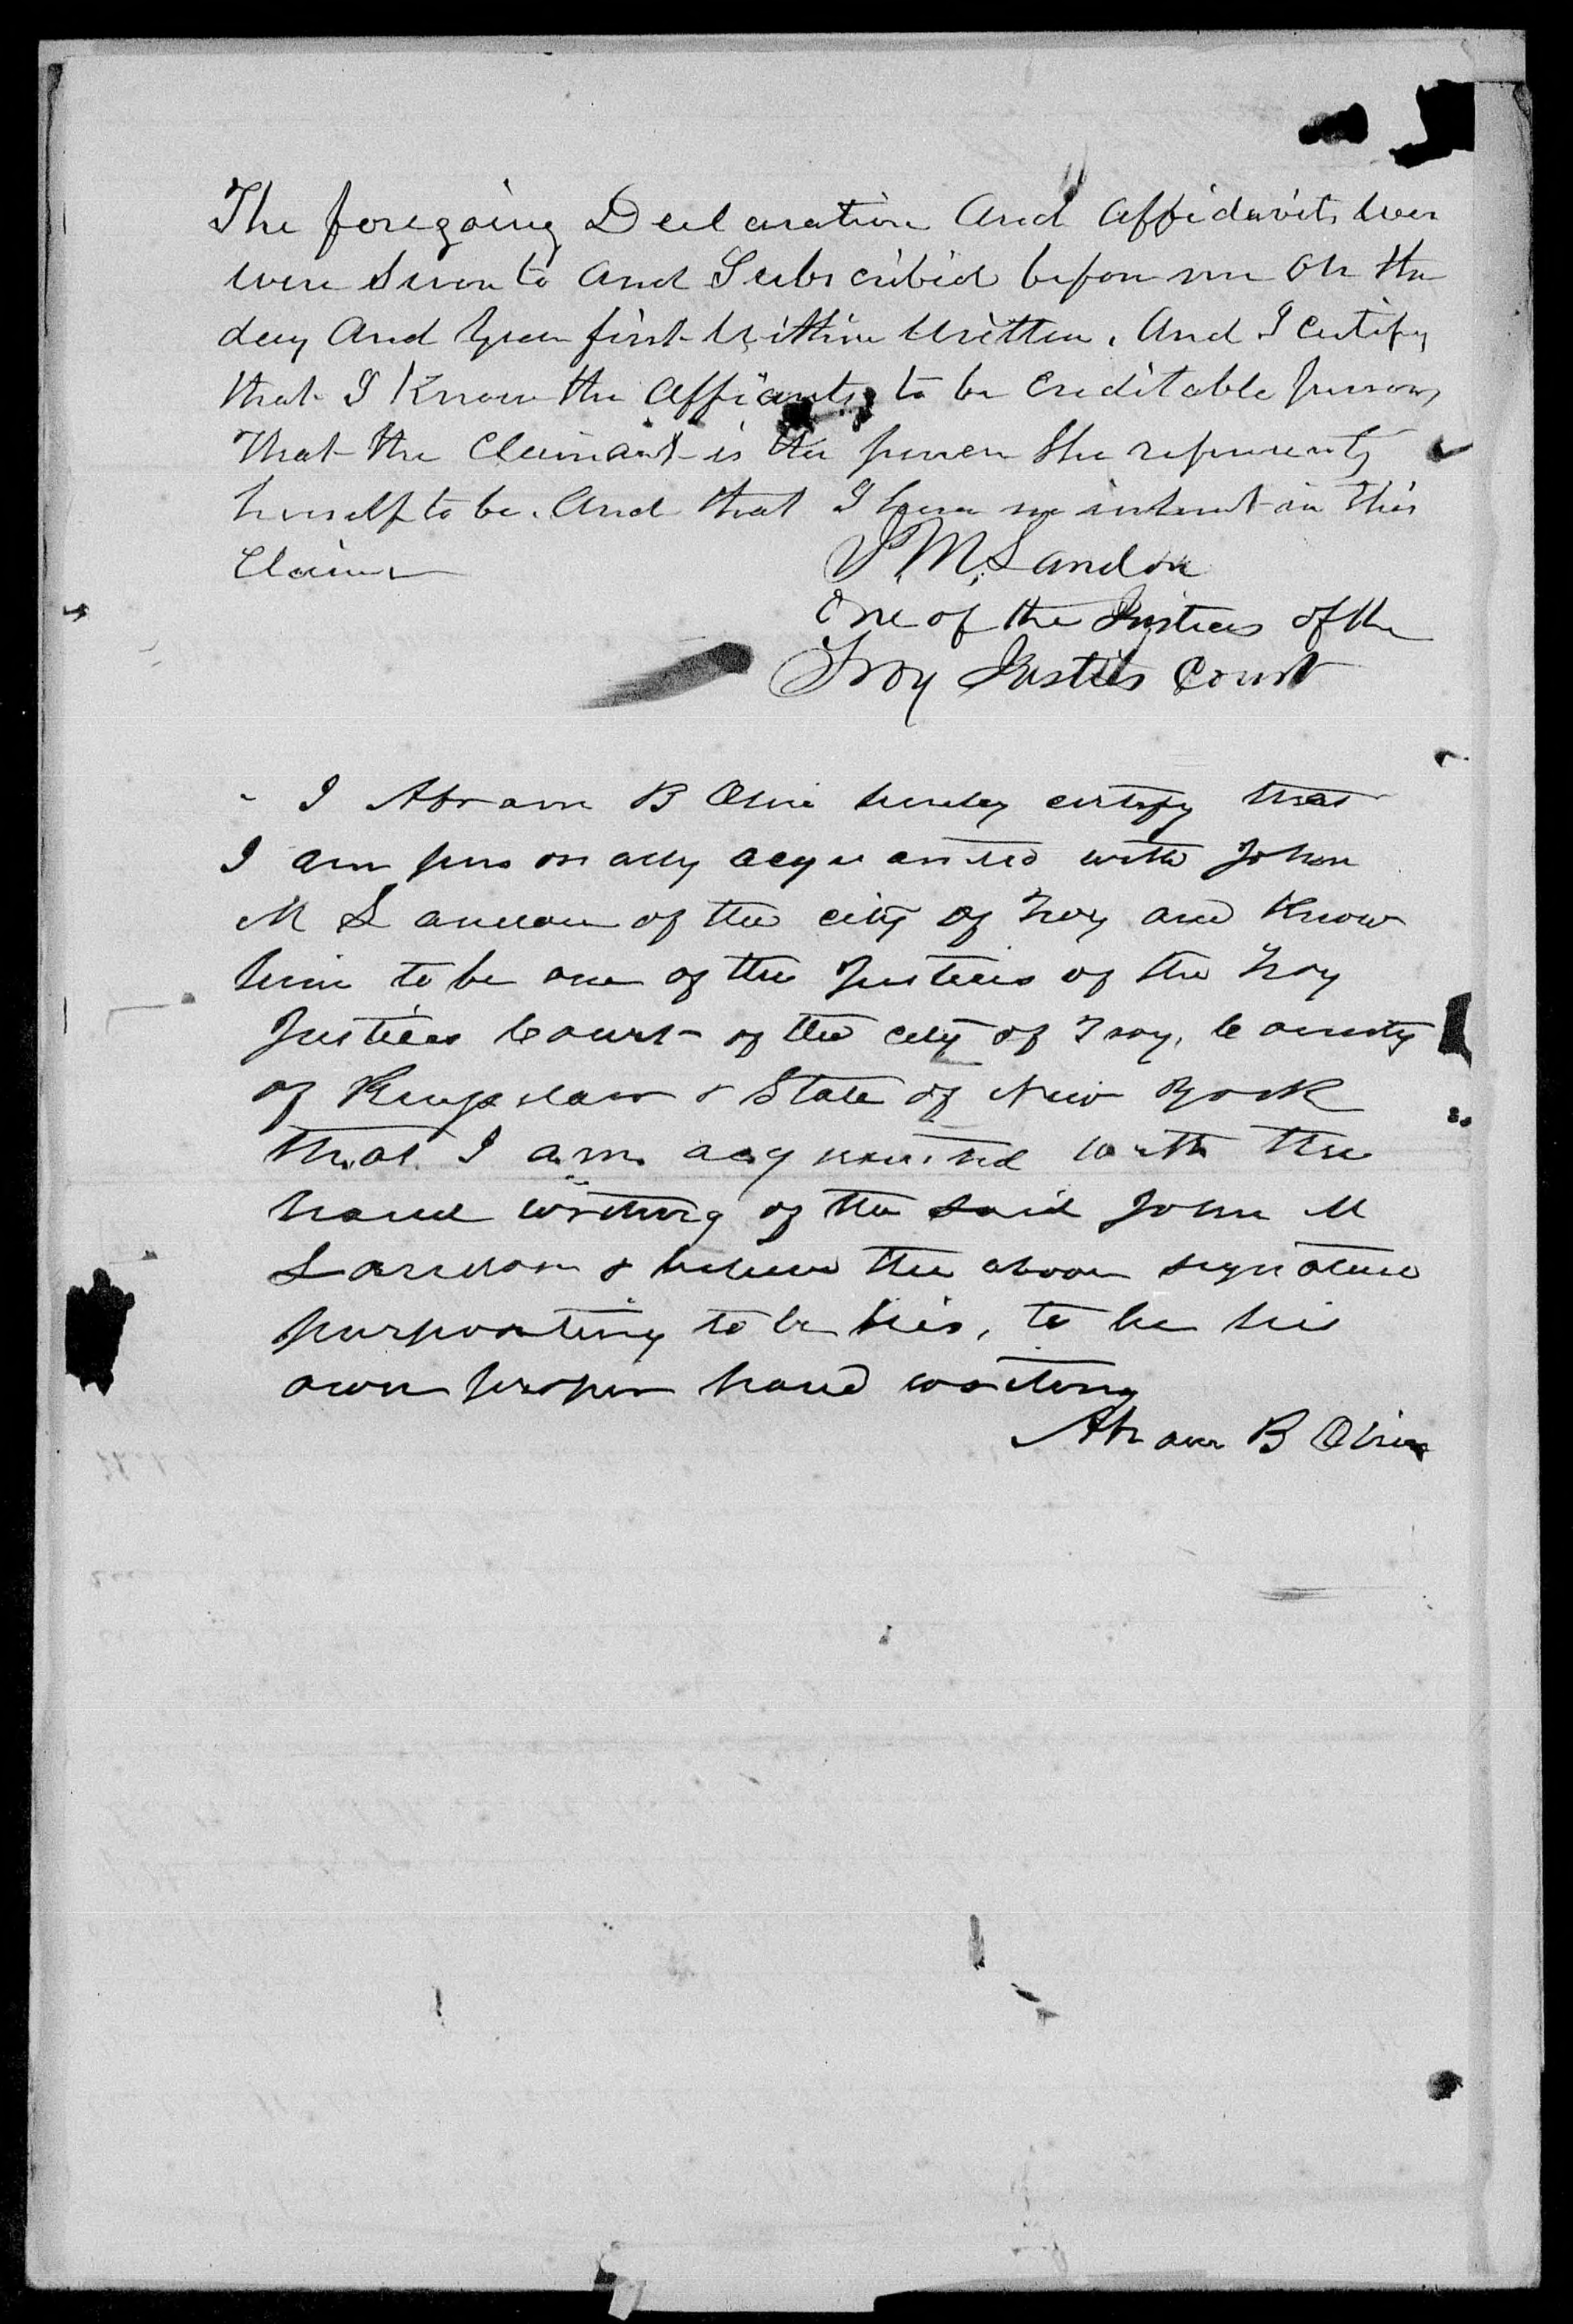The foregoing declaration and affidavit lives were
 servants and subscriber inform me on the day and year find within written. And I certify that I know the affidavit the creditable person that the claimant is the proven  the referents therefore to be clear that I have no interest in this claims

MS and mr
one of the  destines of the 
Joy Kistis Crowd

I Abraham Barns thereby certify that 
I am from an ally segmented with Johan 
M S aware of the city of (illegible) and know 
(Illegible) to be one of the suitors of the (illegible) (illegible) to (illegible)by the city of (illegible) 
of repercussion and state of new york 
that I am acquainted with the
hand writing of the (illegible, illegible, illegible)
(illegible) and (illegible) the (illegible)
perpetuating to bribes, to be his
own  (illegible) hand writing
Abraham Barns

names: Abram B Olin, Abram B Olin, J M Sandon, John M Sandon, John M Sandon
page: 32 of 48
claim: widow's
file: W. 10476, James Hodge, New York